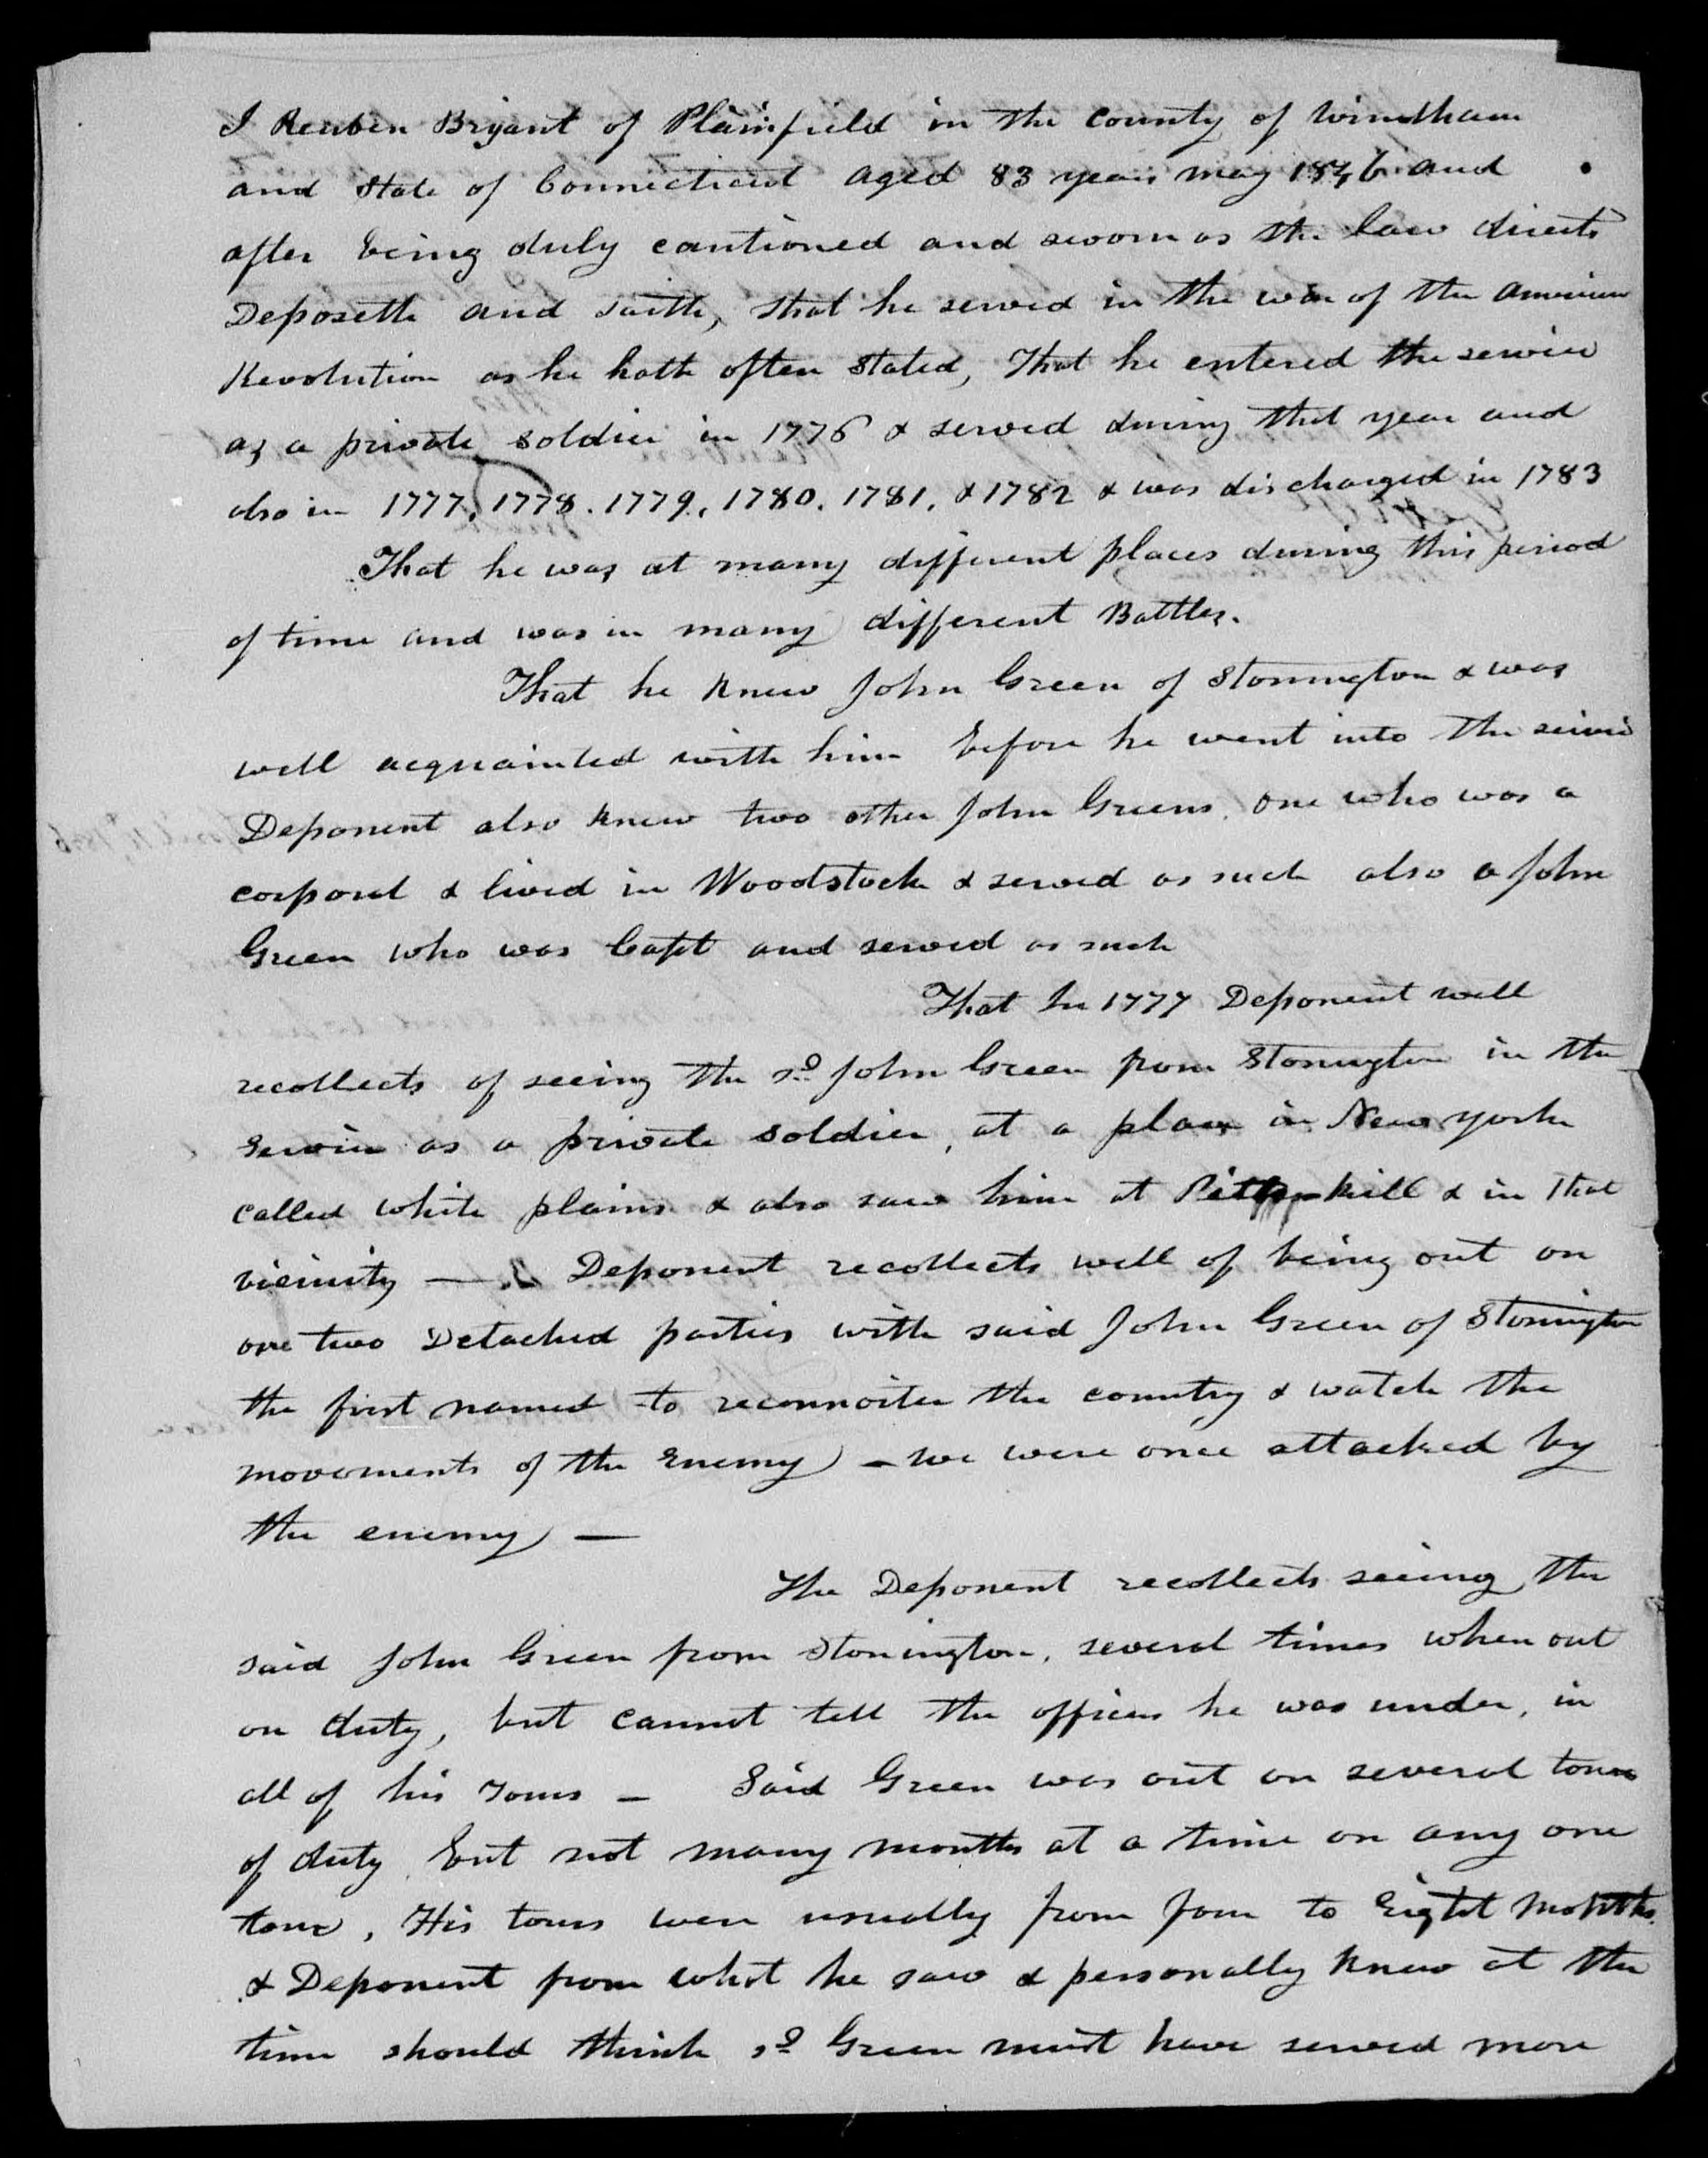I Reuben Bryant of Plainfield in the County of Windham and State of Connecticut aged 83 years may --- and after being duly cautioned and sworn as the law directs 
deposeth and saith that he served in the war of the American Revolution as he hath often stated, that he entered the service as a private soldier in 1776 & served during that year and also in 1777, 1778, 1779, 1780, 1781 & 1782 & was discharged in 1783. 
That he was at many different placed during this period of time and was in many different Battles.
That he knew John Green of Stonington & was well acquainted with him before he went into the service.
Deponent also knew two other John Greens, one who was a corporal & lived in Woodstock & served as such. Also a John Green who was Capt and served as such.
That in 1777 Deponent well recollects of seeing the --- John Green from Stonington in the 
service as a private soldier at a place in New York called White Plains & also saw him at Pittskill & in the vicinity—. Deponent recollects well of being out on one two detached parties with said John Green of Stonington the first named to reconnoiter the country & watch the movements of the enemy.  We were once attacked by the enemy.
The Deponent recollects seeing the said John Green from Stonington several times when out on duty but cannot tell the officer he was under in all of his tours. Said Green was out on several tours of duty but not many months at a time on any one tour. His tours were usually from four to eight months & deponent from what he saw & personally knew at the time should think I knew must have several more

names: John Green, John Green, Reuben Bryant, John Green, Green, John Green, Green, John Green, John Green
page: 22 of 40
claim: rejected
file: R. 4251, John Green, Conn.